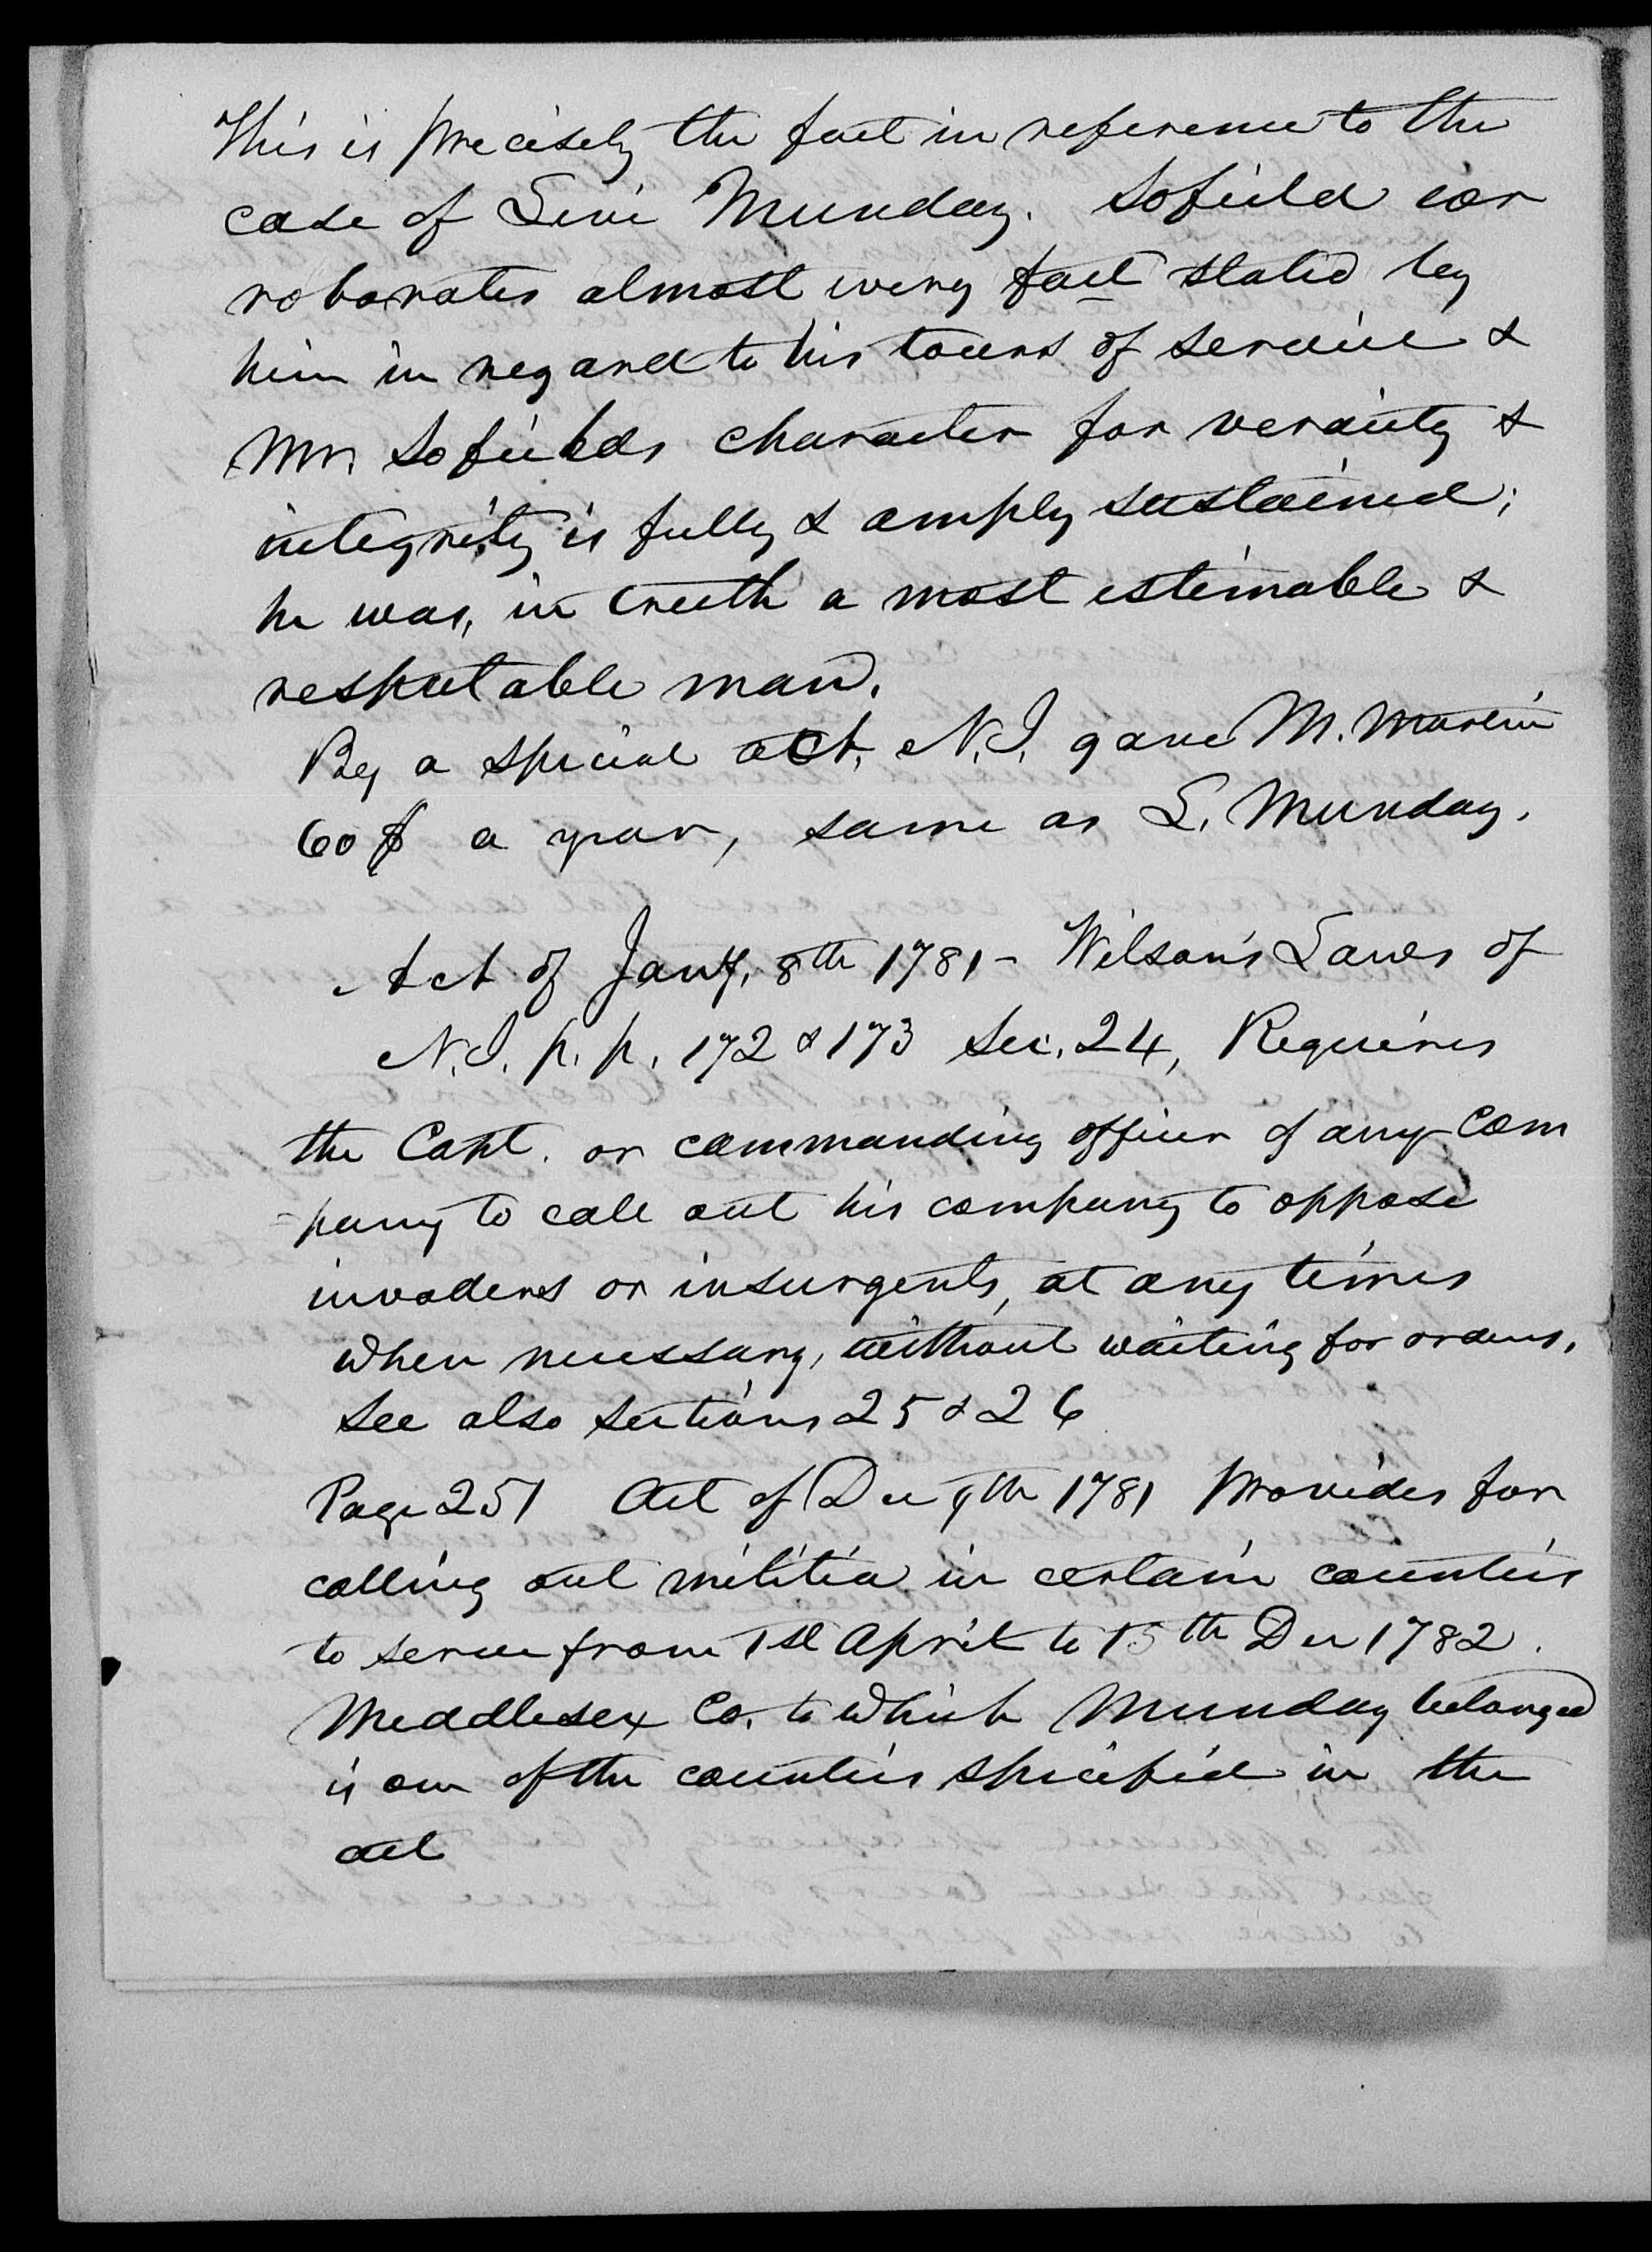...This is precisely the fact in reference to the case of Levi Munday. Sofield corroborates almost every fact stated by him in regard to his tours of service & Mr. Sofield's character for veracity & integrity is fully & amply sustained; he was in truth a most estimable & respectable man.

By a special act, N.J, gave Mr. Martin 60$ a year, same as L. Munday.

Act of Jan. 8th 1781, Wilson's Laws of N.J., P.P. 172 & 173, Sec. 24, requires the Capt. or commanding officer of any company to call out his company to oppose invaders or insurgents, at any times when necessary, without waiting for orders. See also Sections 25 & 26, Page 251, Act of Dec 9th 1781, provides for calling out militia in certain Counties to serve from April to 15th Dec. 1782. Middlesex Co., to which Munday belonged, is one of the counties specified in the act...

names: Wilson Laws; Levi Munday; M Martin; [BLANK] Munday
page: 74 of 95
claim: survivor's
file: S 2889, for Levi Mundy, New Jersey